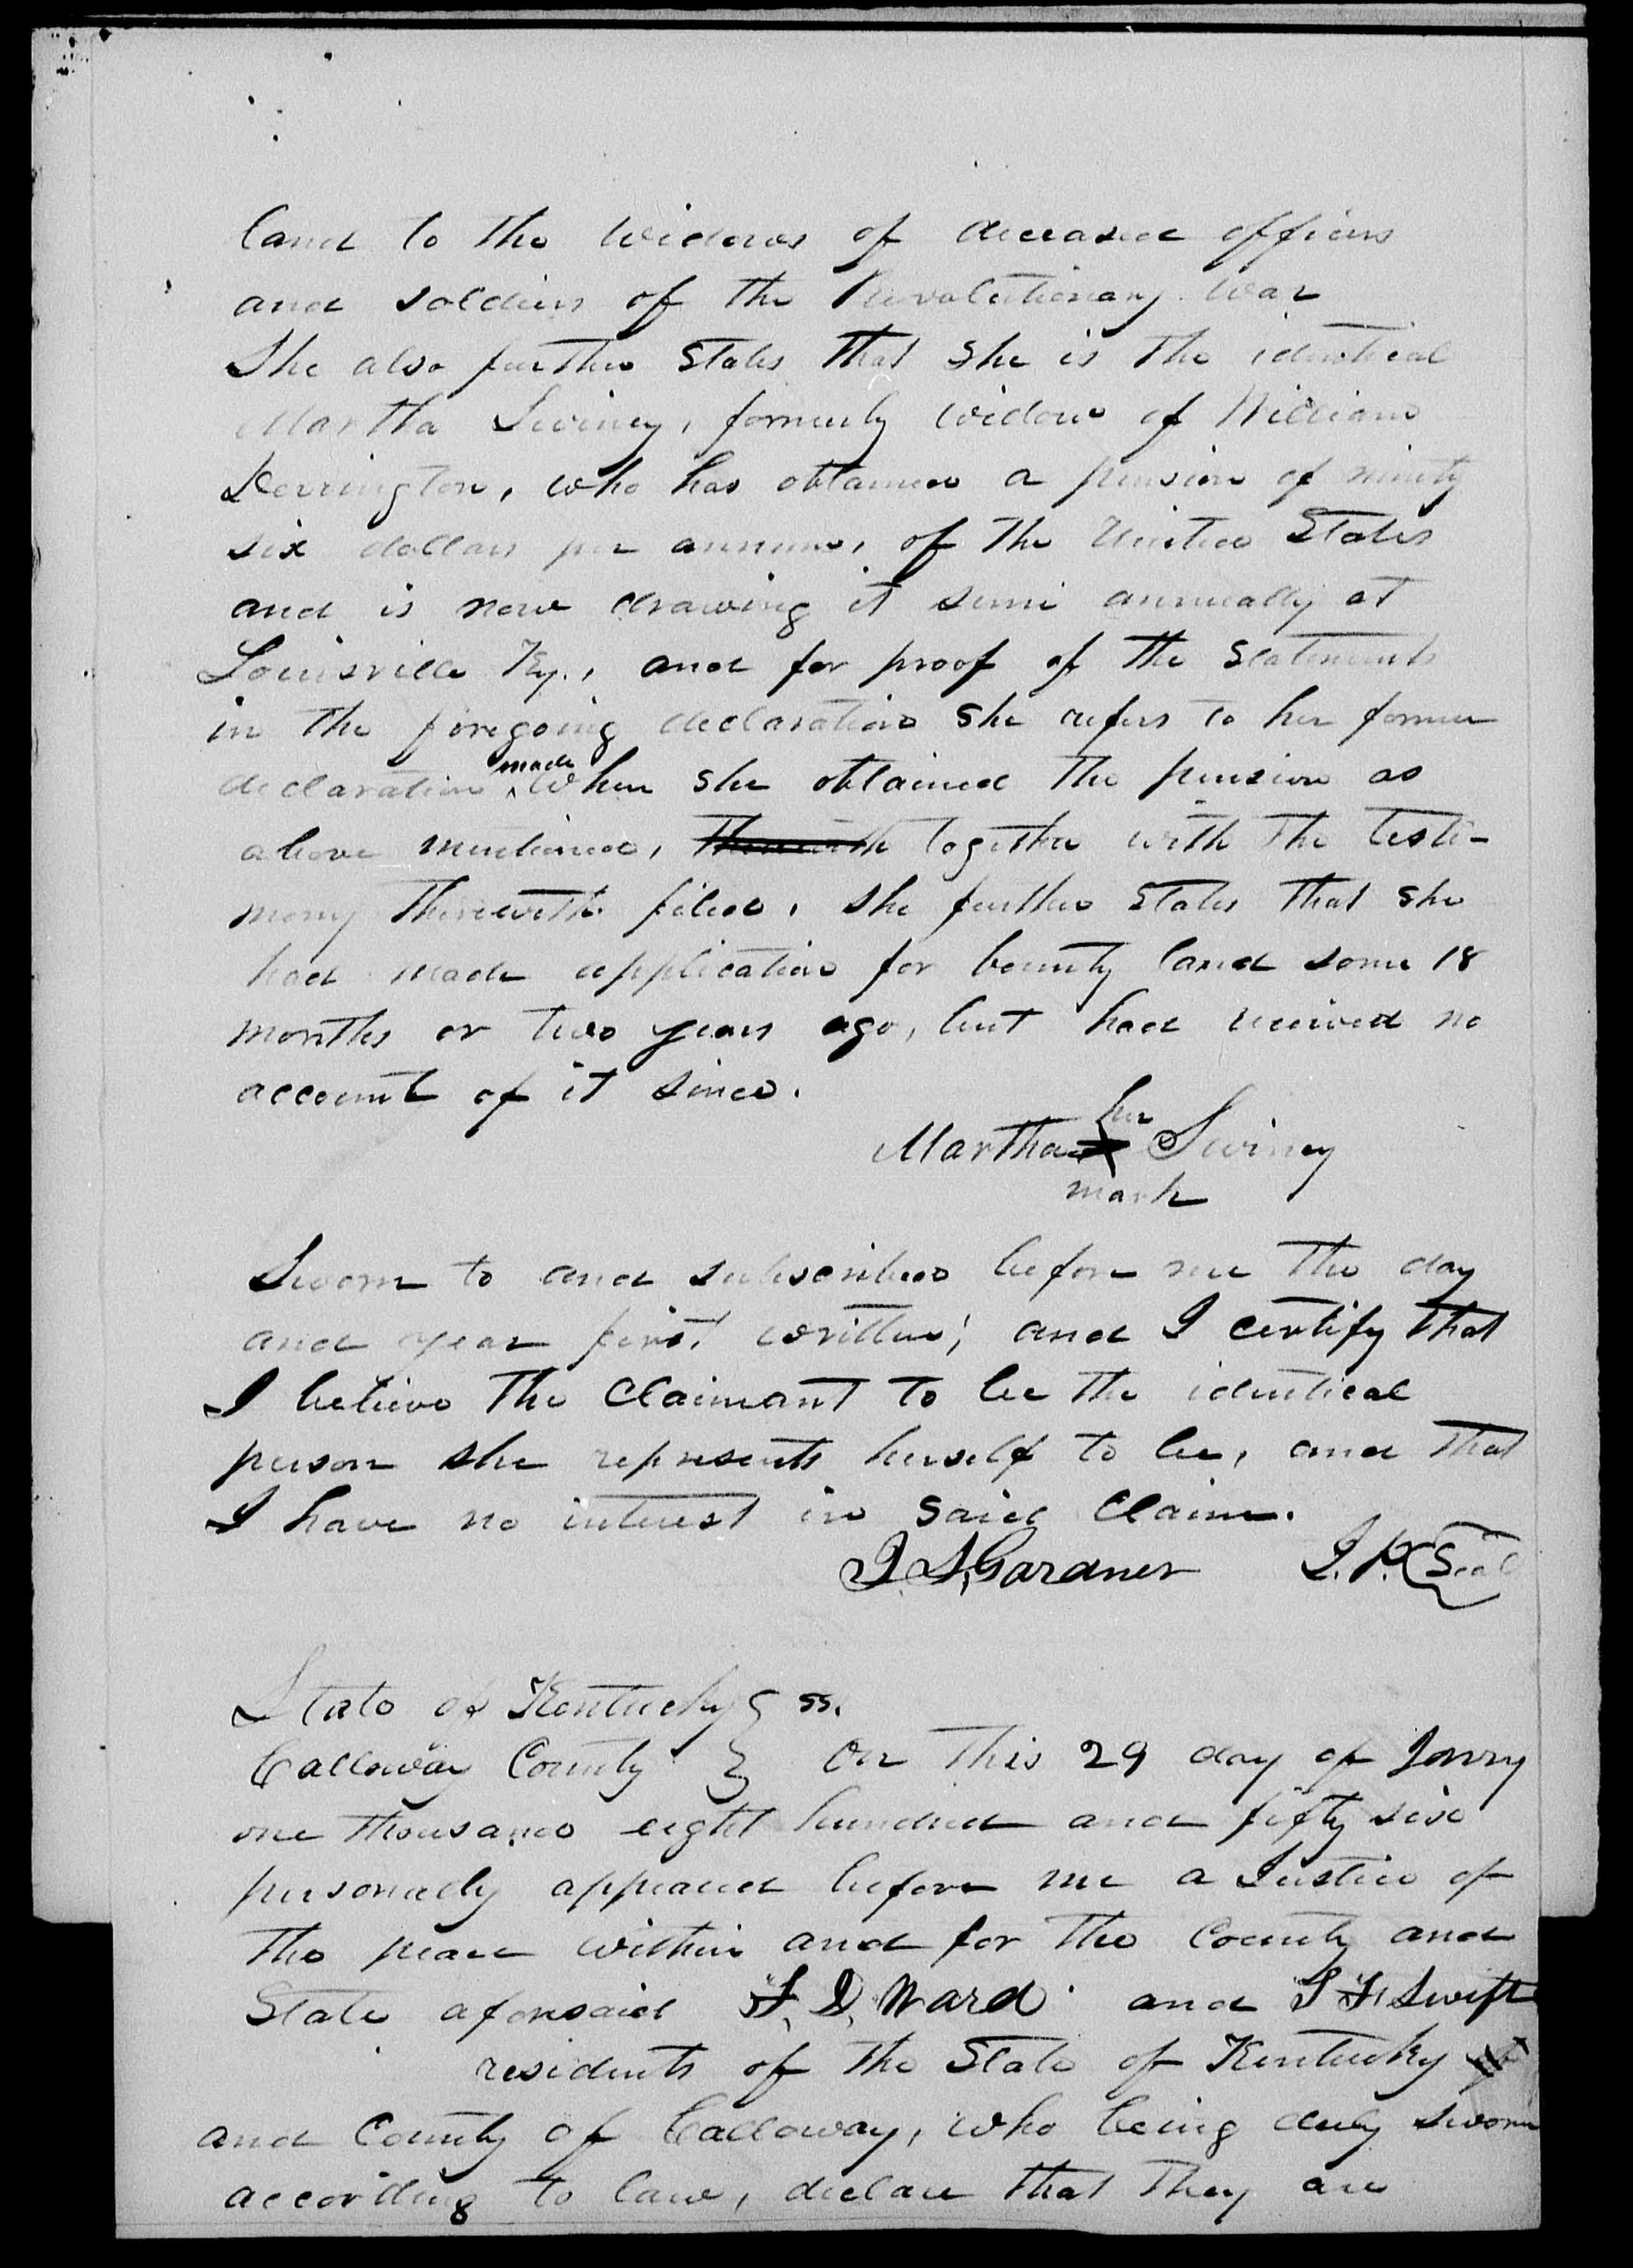land to the widow of deceased officers and the soldiers of the Revolutionary War. She also further states that she is the identical Martha Swiney, formally widow of Willam Derrington, who has obtained a pension of ninety six dollars per annum of the United States and is now drawing it semi annually at Louisville Ky, and for proof of the statements in the fore going declarations she refers to her former declarations made when she obtained the pensions as above mentioned, together with the testimony therewith filed, she further states that she had made applications for bounty land some 18 months or two years ago, but had received no account of it since. 
Martha Swiney (her mark)
Sworn to and subscribed before me the day year first [illegible] and I certify that I believe the claimant to be the individual person she represents herself to be, and that I have no interest in said claims.
J.S Gardner

State of Kentucky} 55
Calloway County.  }.     On this 29th day of ___ one thousand eight hundred and fifty six previously appeared before me a Justice of the peace within and for the  county and State aforesaid F.D. Ward and T.F Swift residents of the State of Kentucky and County of Calloway, who being duly sworn according to laws, declare that they are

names: T F Swift, Martha Swiney, Martha Swiney, F D Ward, J S Gardner, William Derrington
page: 8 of 51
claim: widow's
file: W. 27,409, William Dunnington, Md.